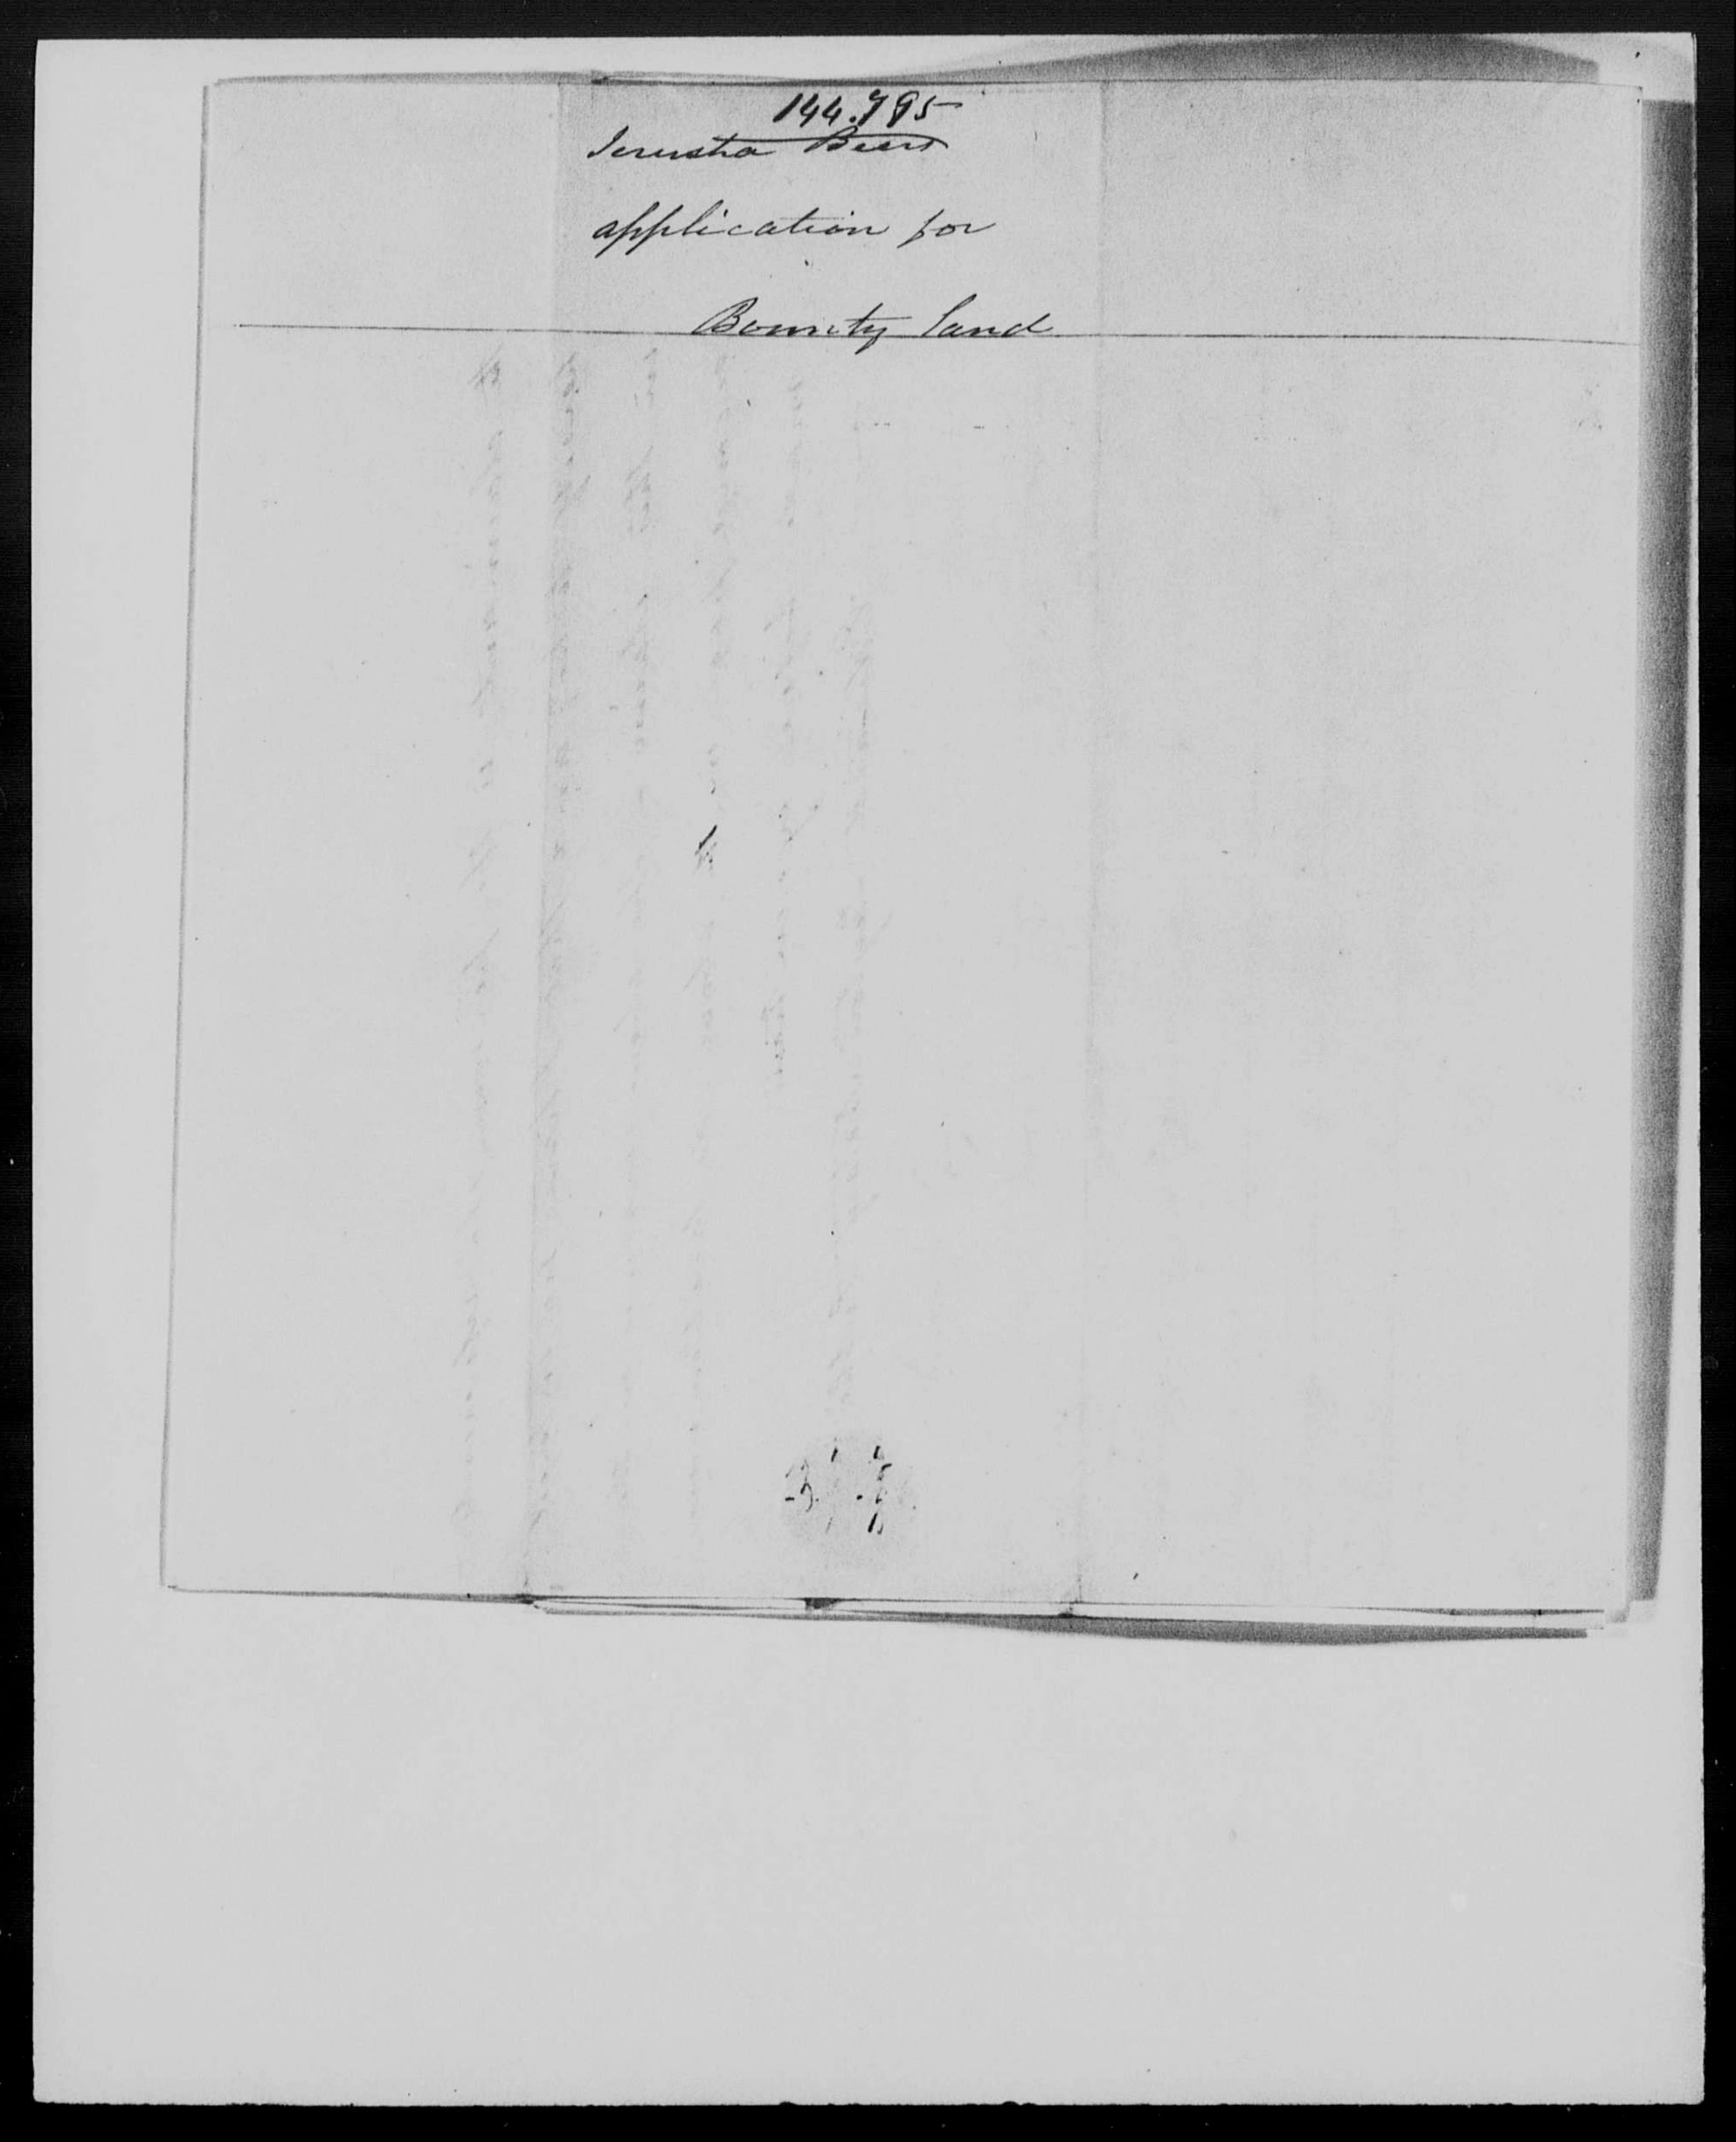144.795
Jerusha Beers
application for Bounty Land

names: Jerusha Beers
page: 25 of 39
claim: widow's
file: W. 2,056, Squire Ambler, Continental (Sol. Res. In N.Y. & Conn.)